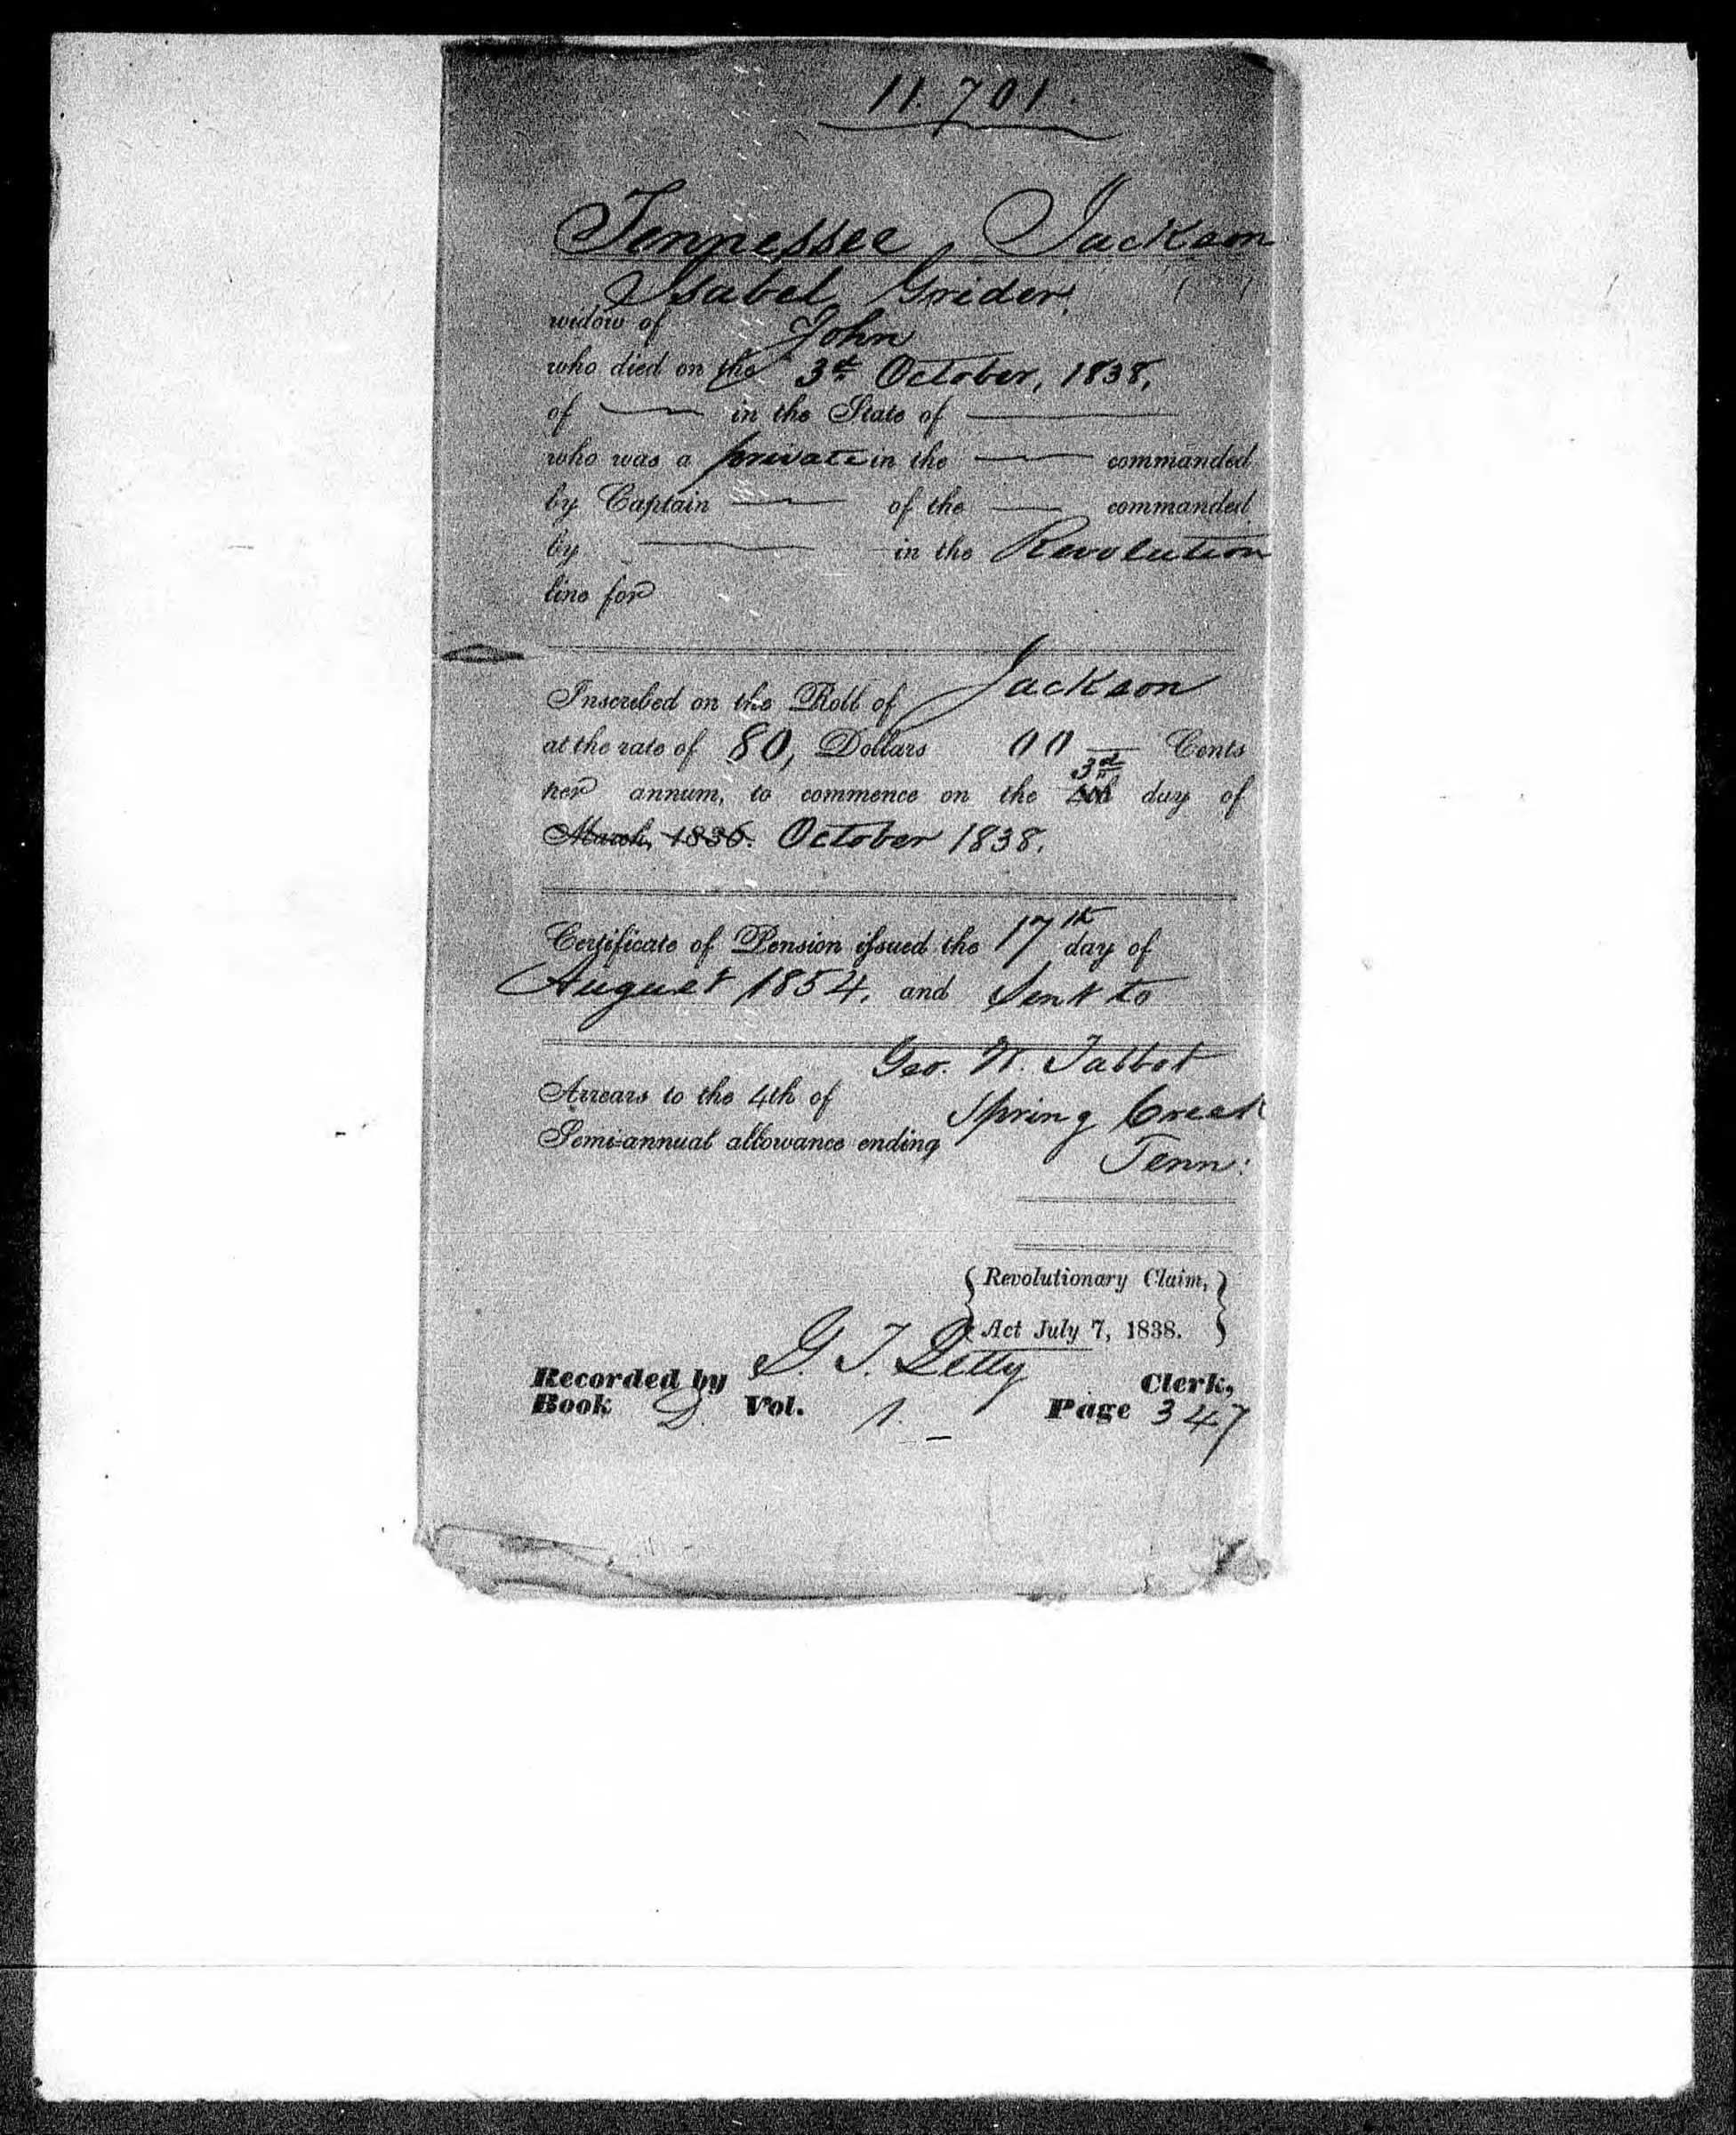11701
Tennessee     Jackson
Isabel Grider
widow of John
who died on the 3rd October, 1838,
of _----- in th eState of ------
who was a private in the ----commanded
by Captain---- of the ---  commanded
by ------ int he Revolution
line for 

Inscribed on the Roll of Jackson 
at the rate of 80 Dollars  00- cents
per annum, to commence on the 3rd day of
[crossed out- March, 1836] October  1838

Certificate of Pension issued the 17th day of 
August 1854, and sent to Geo W. Talbot 
Spring Creek Tenn:

Arrears to the 4th of 
Semiannual allowance ending

{Revolutionary Claim, Act July 7, 1838}

Recorded by G.T. Getty Clerk,
Book D  Vol. 1   Page 347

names: John Grider, Geo W Talbot, G T Getty, Isabel Grider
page: 34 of 91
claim: widow's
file: W 358, John Grider, N.C.